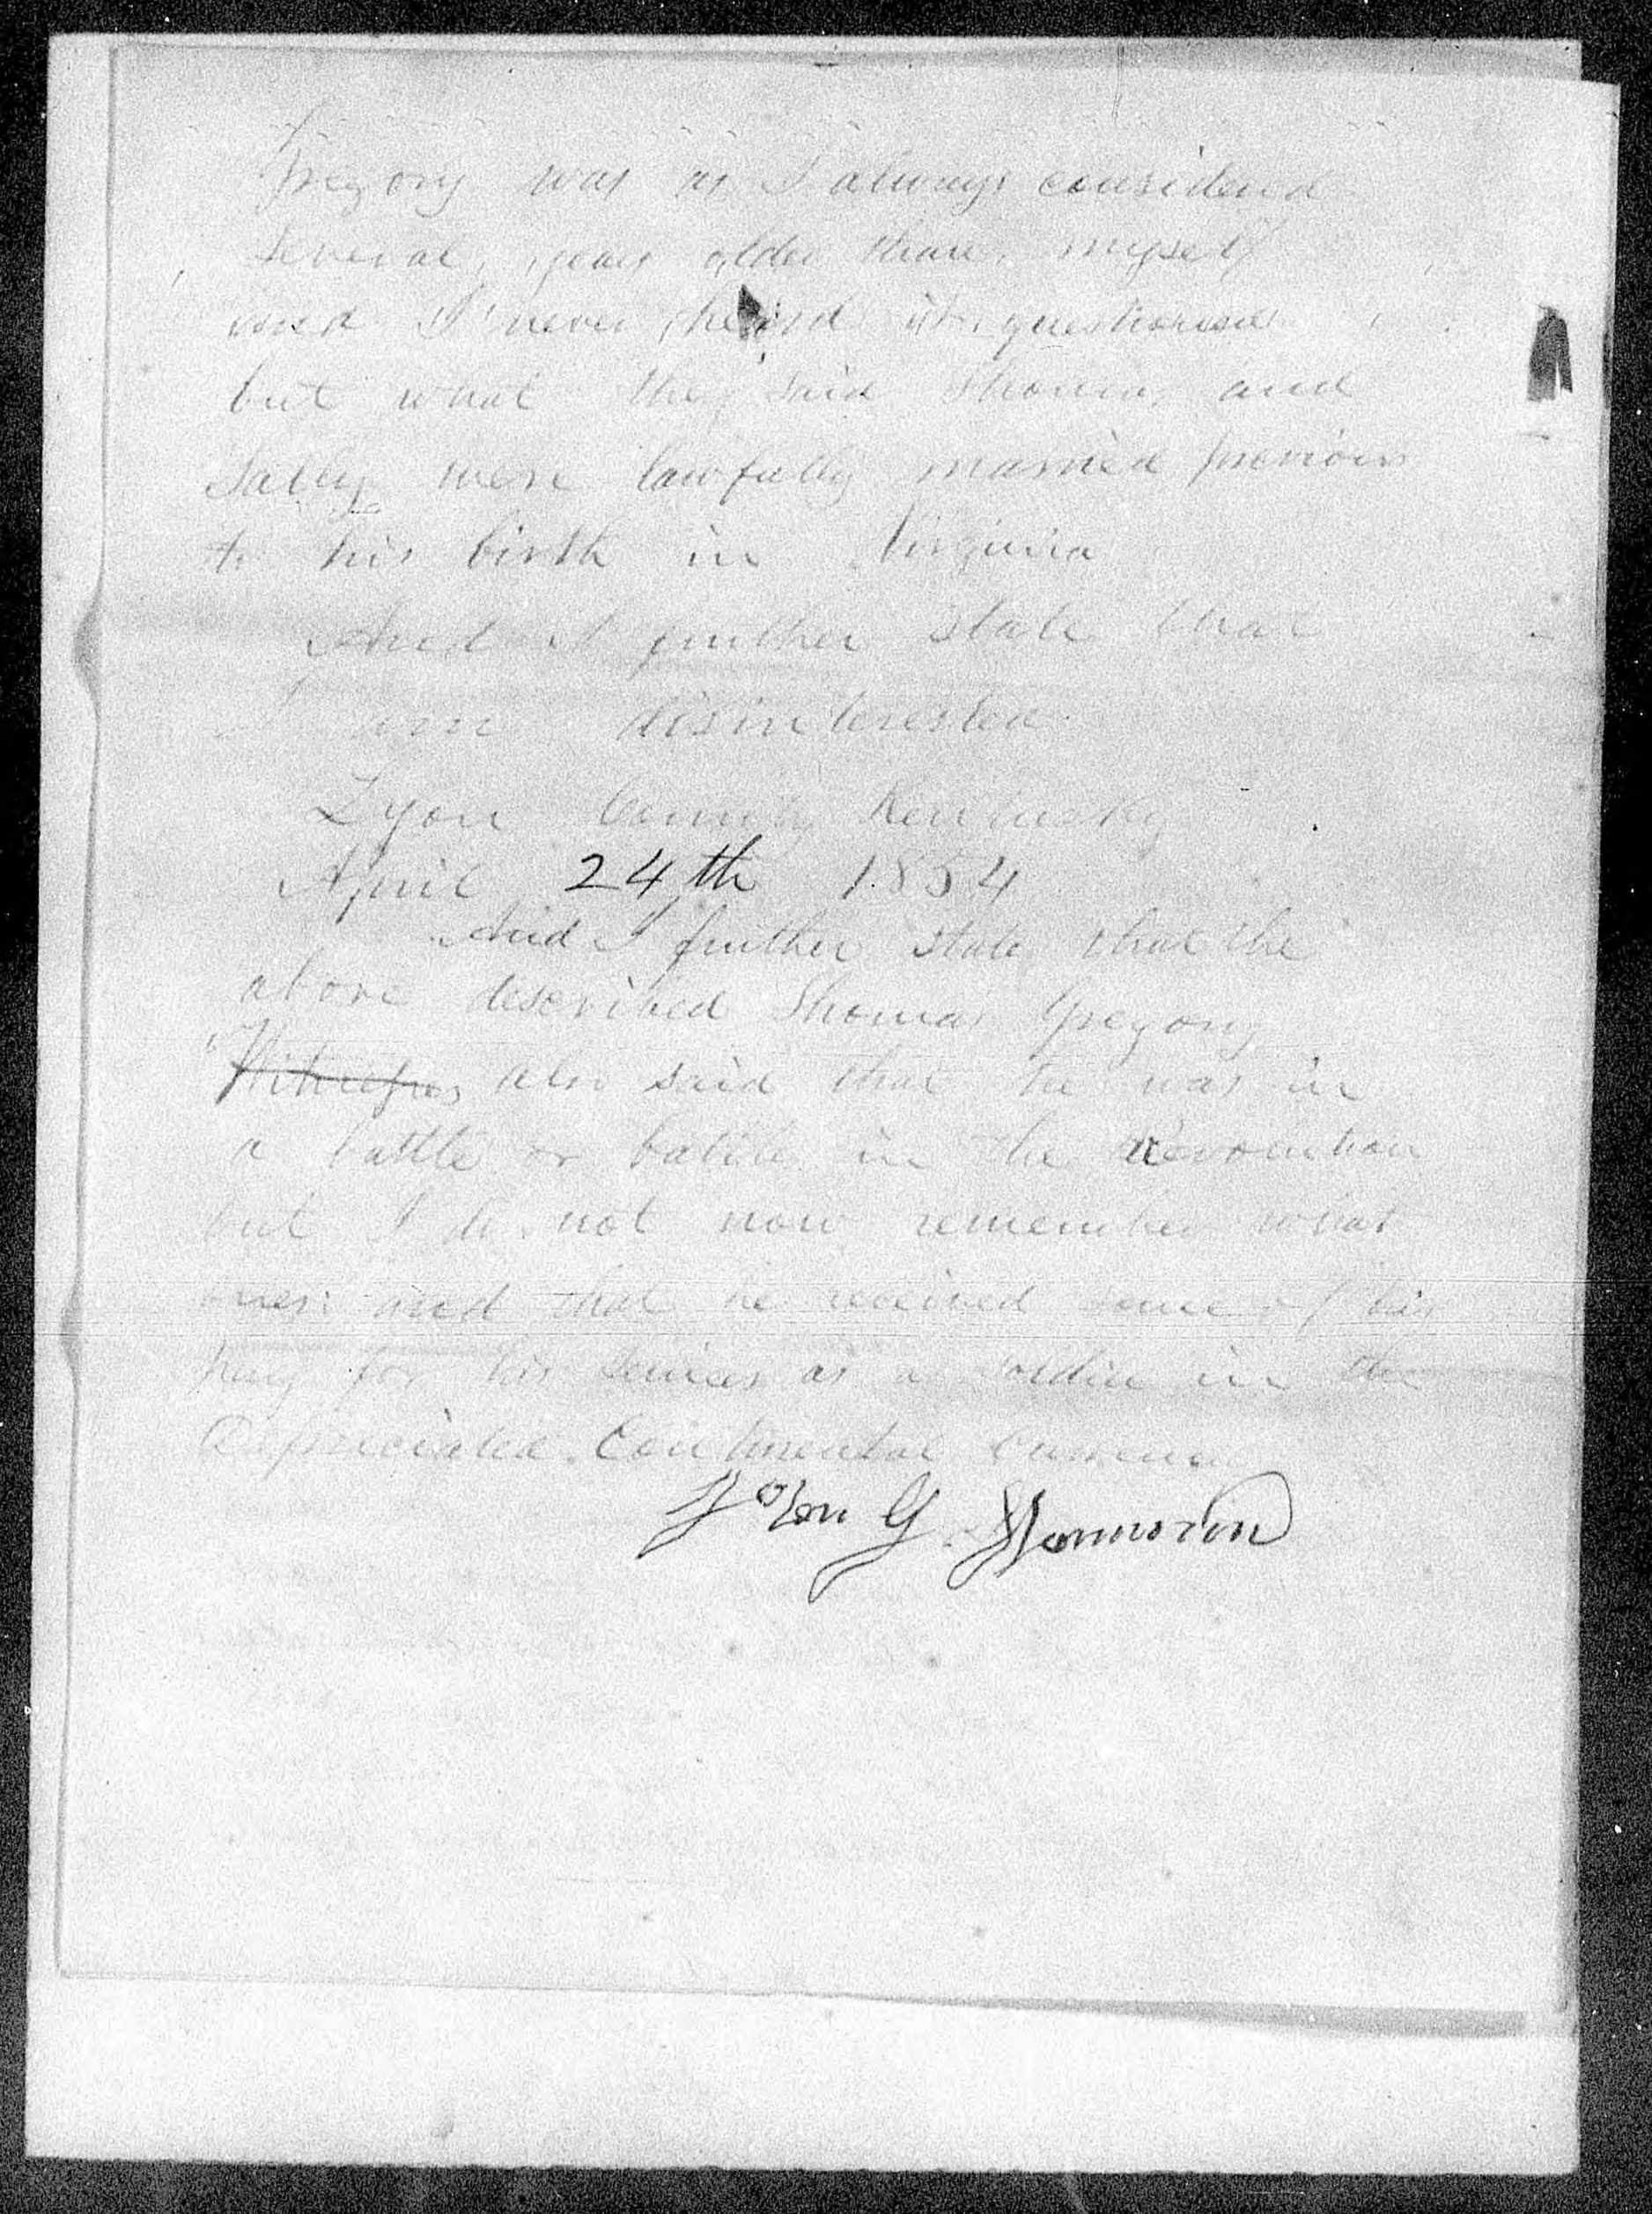Gregory was as I always considered several years older than myself and I never heard it questioned but what the said Thomas and Sally were lawfully married previous to his birth in Virginia.
And I further state that I am disinterested
Lyon County Kentucky
April 24th 1854
And I further state that the above described Thomas Gregory [marked out: Witness] also said that he was in a battle or battles in the revolution but I do not now remember what ones; and that he received some of his pay for his services as a soldier in the Depreciated Continental [?]
John G. Hammond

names: Gregory, John G Hammond, Sally, Thomas Gregory, Thomas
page: 68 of 75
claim: widow's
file: W. 8876, Thomas Gregory, Continental Va